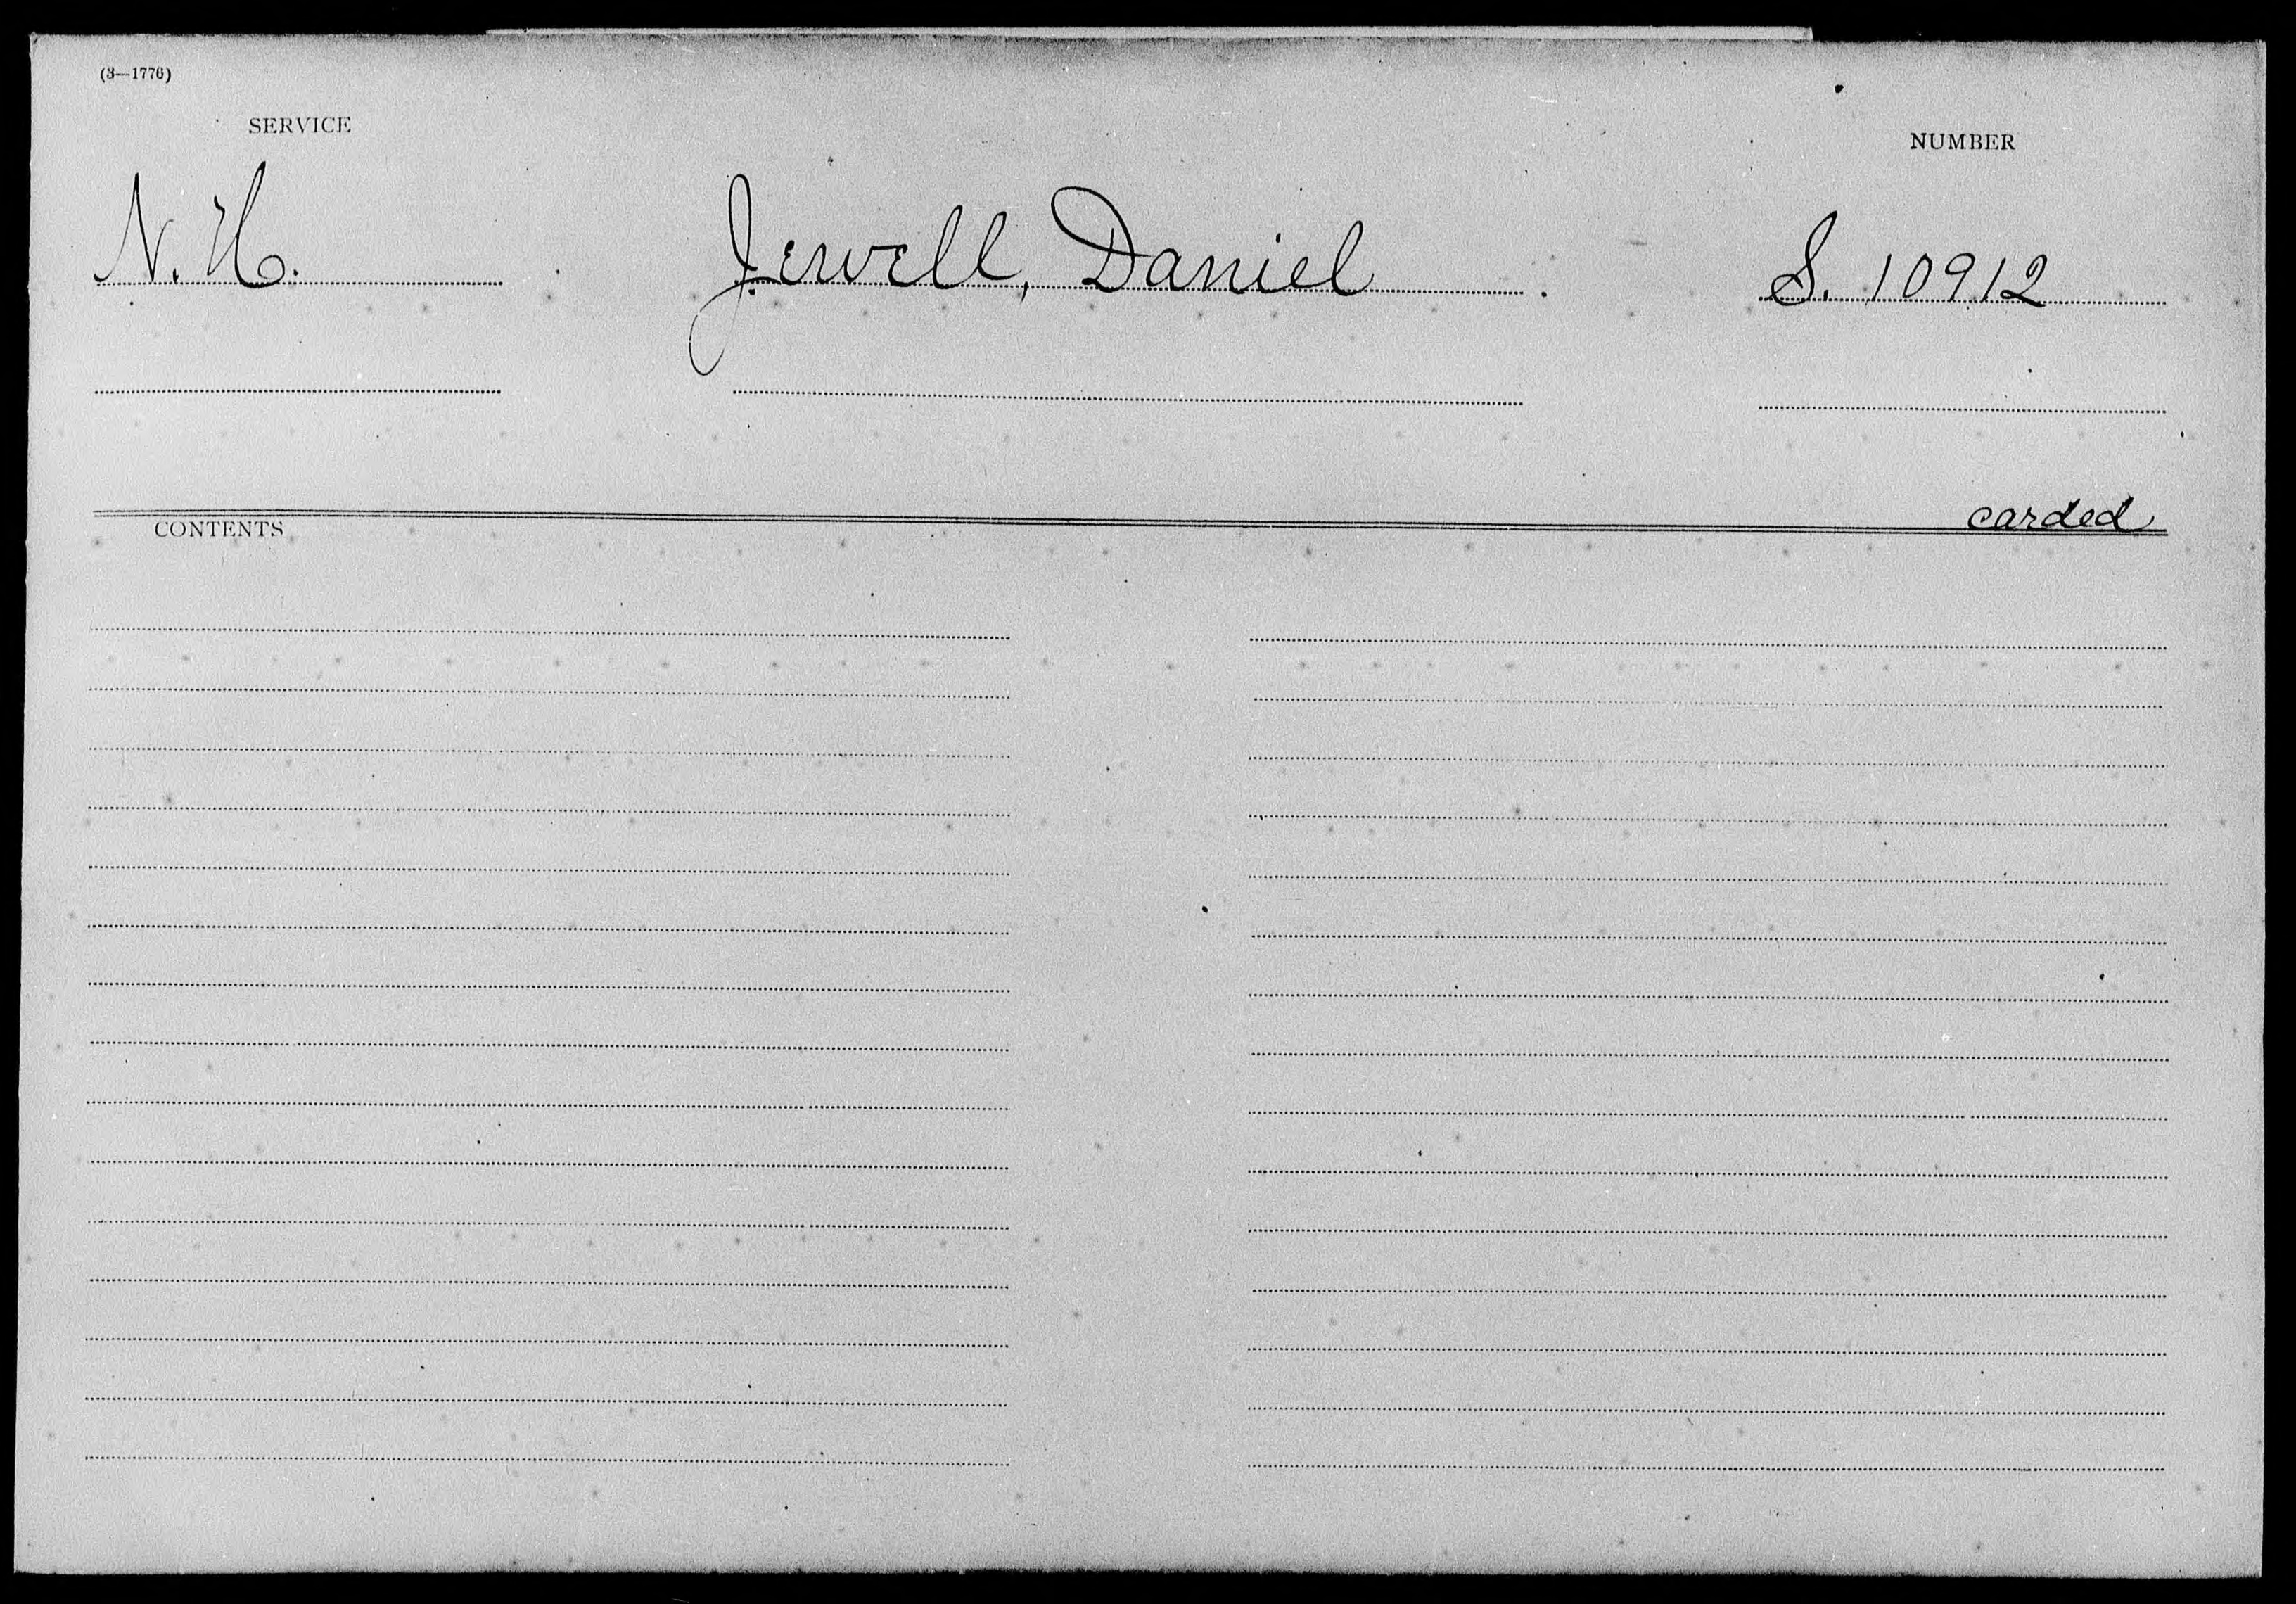(3 - 1776)
SERVICE N. H.
Jewell, Daniel
NUMBER S.10912
carded
CONTENTS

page: 1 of 35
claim: survivor's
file: S. 10912, for Daniel Jewell, New Hampshire